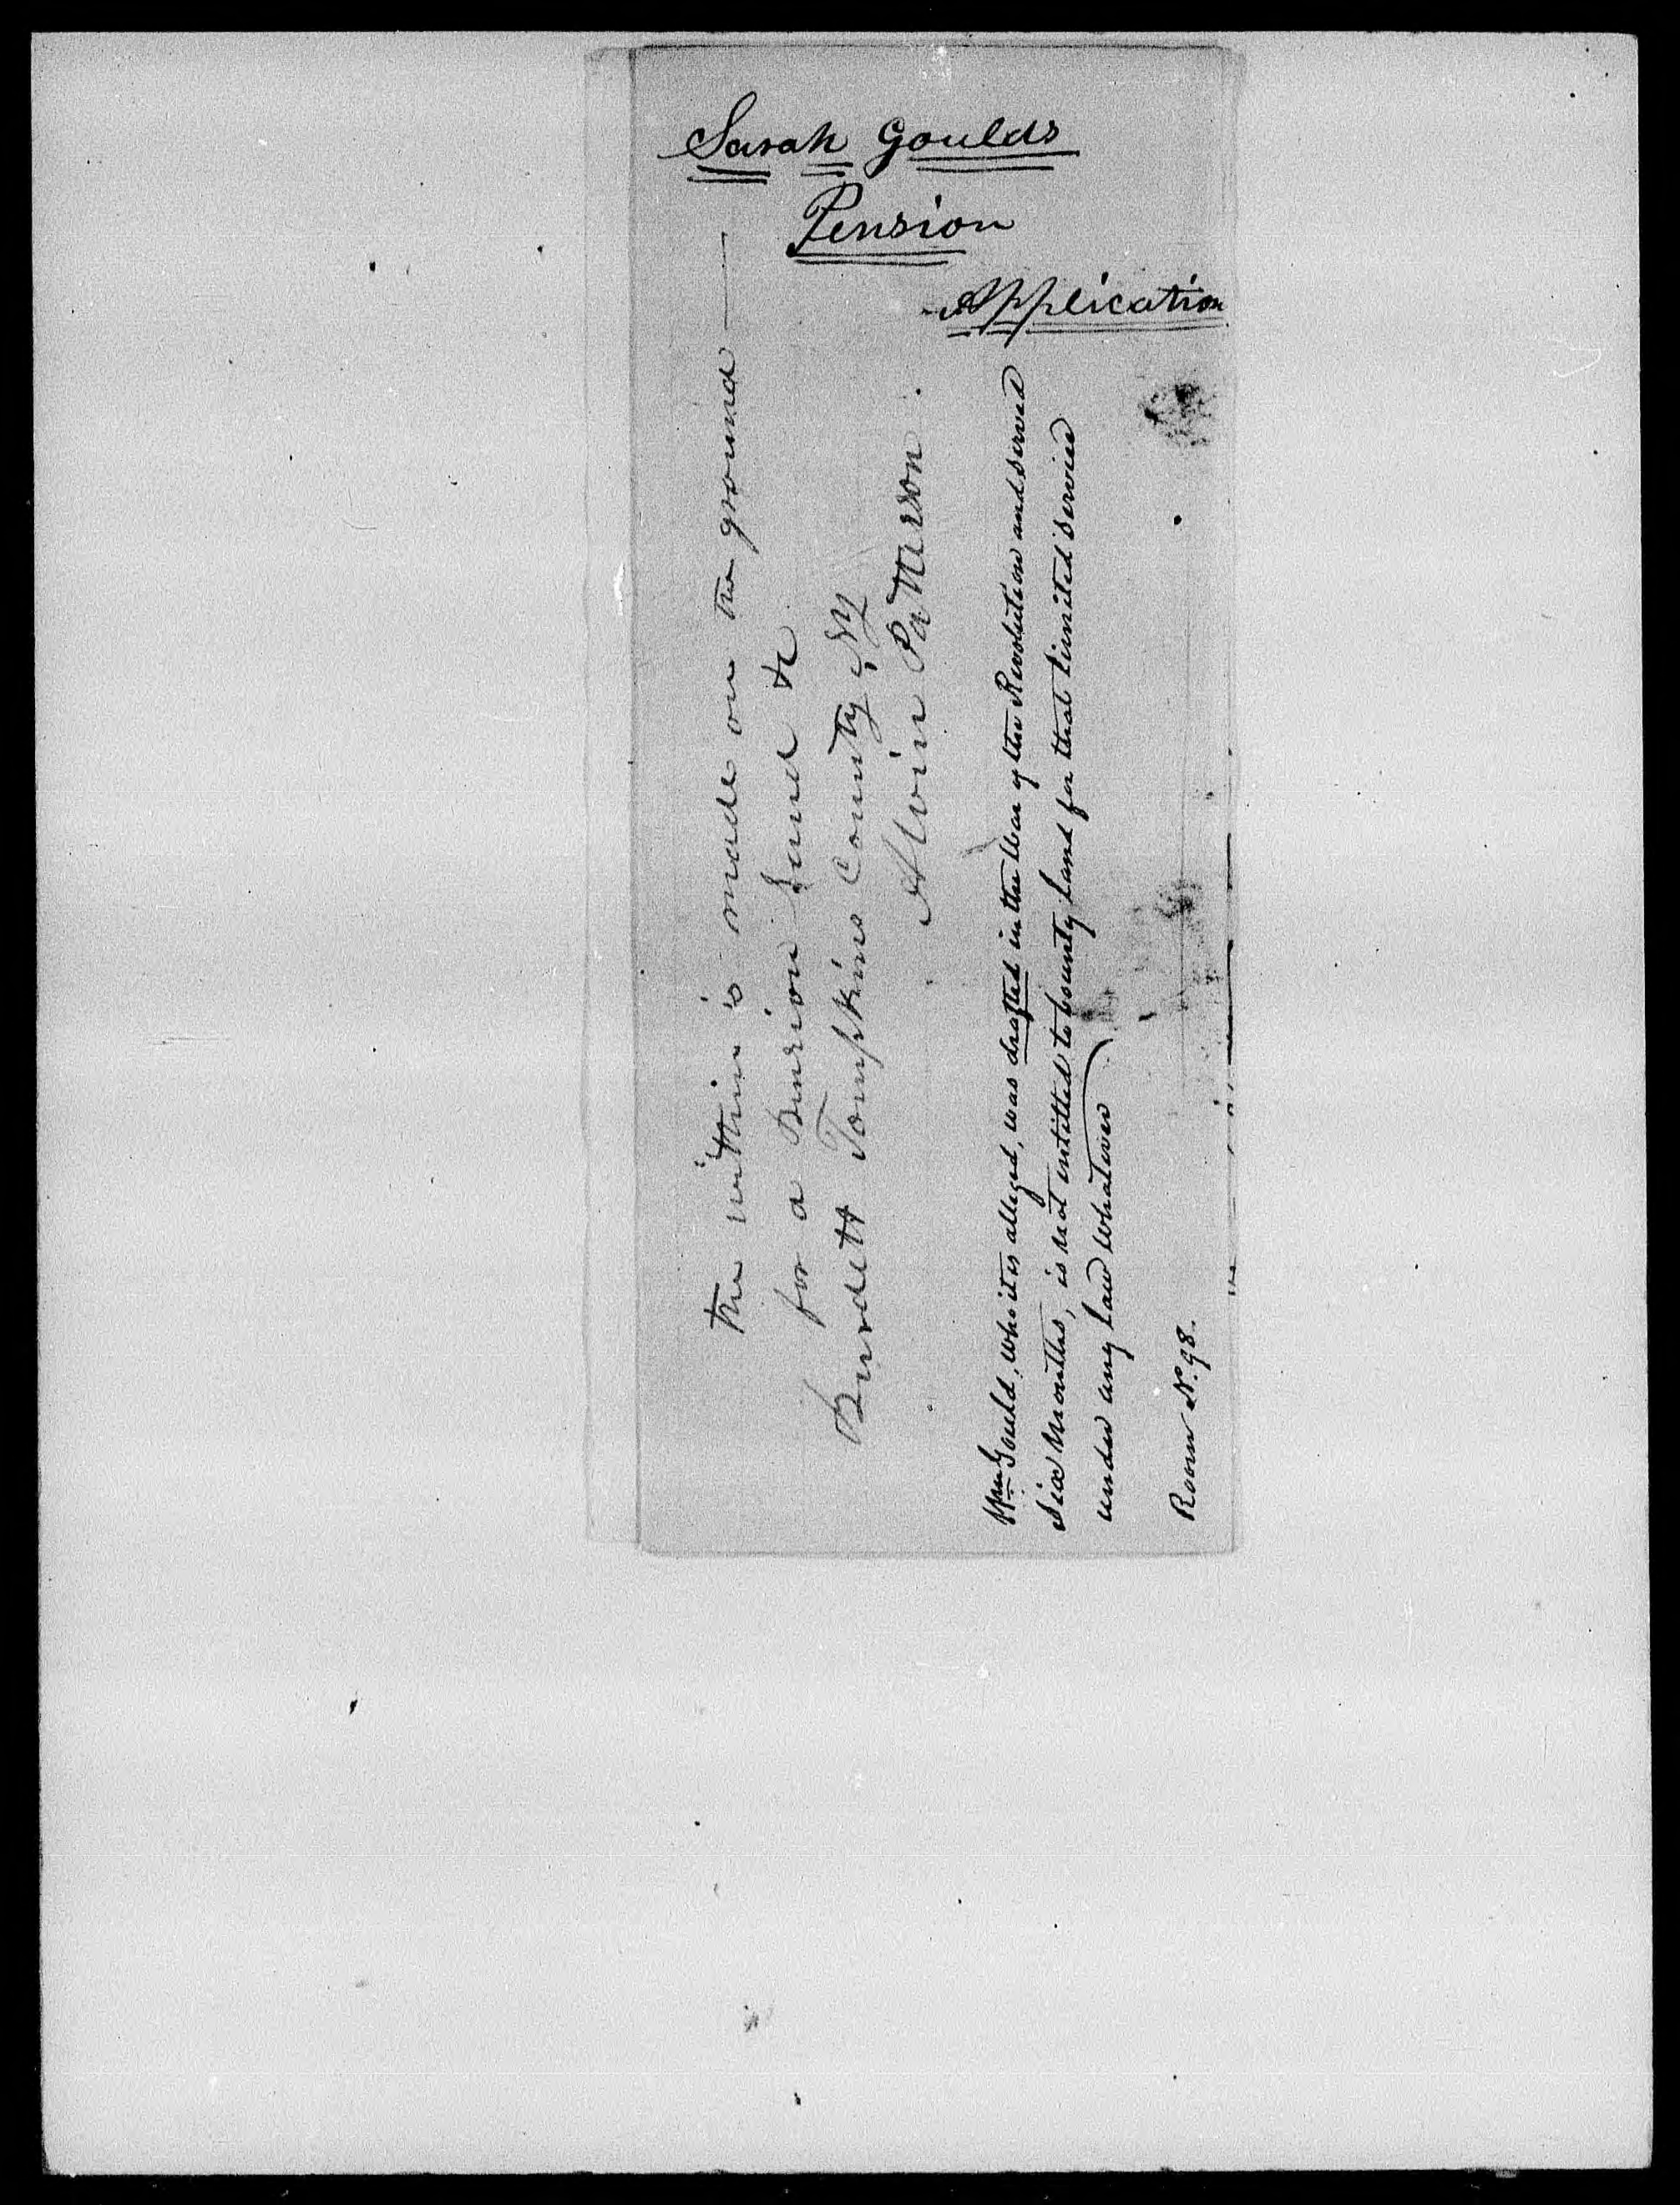Sarah Goulds
Pension
Application

[written perpendicular to the page]

[illegible] within is made on two grounds for a pension land[?] to [illegible] Tompkins County NY

Alvin Patterson

Wm Gould who it is alleged, was drafted in the War of the Revolution and served six months, is not entitled to bounty land or that limited service under any law whatever

[illegible] No. 98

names: Alvin Patterson, Wm Gould, Sarah Gould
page: 17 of 20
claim: rejected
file: R. 4,161, William Gould, New York